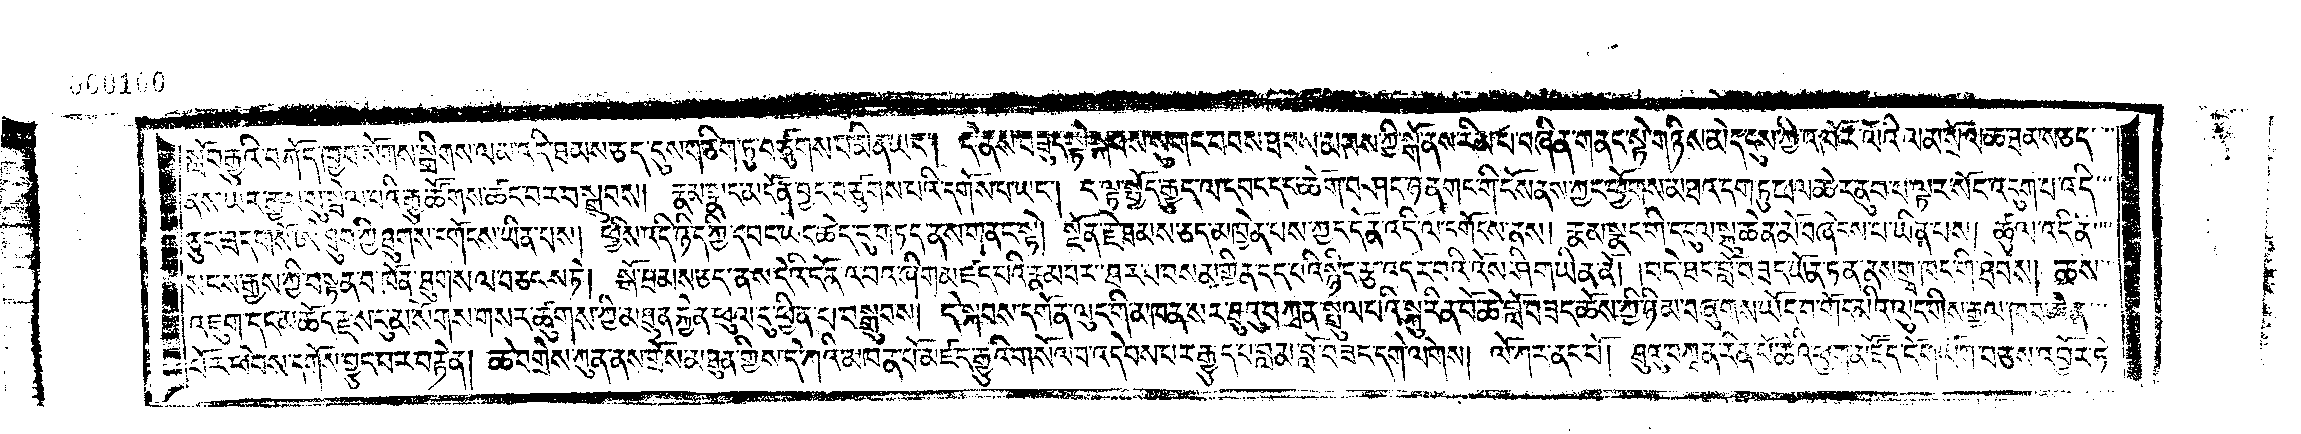སློབ་རྒྱུའི་བཀོད་ཁྱབ་སོགས་སྒྲིགས་ལམ་འདི་ཐམས་ཅད་དུས་གཅིག་ཏུ་བཙུགས་པ་མིན་ཡང་། དེ་ནས་བཟུང་སྟེ་སྐབས་སུ་གང་བབས་ཐབས་མཁས་ཀྱི་སྒོ་ནས་རིམ་པ་བཞིན་གནང་སྟེ་གཉིས་མེད་དུས་ཀྱི་འཁོར་ལོའི་ལམ་སྲོལ་ཆ་ཐམས་ཅད་
ནས་ཡར་རྒྱས་སུ་སྤེལ་བའི་རྒྱུ་ཚོགས་ཚང་བར་བསྒྲུབས། རྣམ་སྣང་མངོན་བྱང་བཙུགས་པའི་དགོས་པ་ཡང་། ད་ལྟ་སྤྱོད་རྒྱུད་ལ་དབང་དང་ཆོ་ག་བཤད་ཉན་གང་གི་ངོས་ནས་ཀྱང་ཕྱོགས་མཐའ་དག་ཏུ་ཕལ་ཆེར་ནུབ་པ་ལྟར་སོང་འདུག་པ་འདི་
ཅུང་ཟད་གསོ་ཨེ་ཐུབ་ཀྱི་ཐུགས་དགོངས་ཡིན་པས། ཕྱིས་འདི་ཉིད་ཀྱི་དབང་ཡང་ཆེད་དུ་གཏད་ནས་གནང་སྟེ། སྔོན་རྗེ་ཐམས་ཅད་མཁྱེན་པས་ཀྱང་དོན་འདི་ལ་དགོངས་ནས། རྣམ་སྣང་གི་དངུལ་སྐུ་ཆེན་མོ་བཞེངས་པ་ཡིན་པས། ཚུལ་འདི་ནི་
སངས་རྒྱས་ཀྱི་བསྟན་པ་ཁོ་ན་ཐུགས་ལ་བཅངས་ཏེ། སྒོ་ཐམས་ཅད་ནས་དེའི་དེན་འབའ་ཞིག་མཛད་པའི་རྣམ་པར་ཐར་པ་བསམ་གྱིན་དང་པའི་སྙིང་རྩ་འདར་བའི་འོས་ཤིག་ཡིན་ནོ། །བདེ་ཐང་བློ་བཟང་ཡོན་ཏན་ནས་གྲྭ་ཁང་གི་ཐེབས། ཆས་
འཇུག་དང་མཆོད་རྫས་དུ་མ་སོགས་གསར་ཚུགས་ཀྱི་མཐུན་རྐྱེན་ཕུལ་དུ་ཕྱིན་པ་བསྒྲུབས། དེ་སྐབས་དགོན་ལུང་གི་མཁན་སར་ཐུའུ་བཀྭན་སྤྲུལ་པའི་སྐུ་རིན་པོ་ཆེ་བློ་བཟང་ཆོས་ཀྱི་ཉི་མ་བཞུགས་ཡོད་པ་གོང་མའི་ལུང་གིས་རྒྱལ་ཁབ་ཆེན་
པོར་ཕེབས་དགོས་བྱུང་བར་བརྟེན། ཆེ་བགྲེས་ཀུན་ནས་གྲོས་མཐུན་གྱིས་དེ་ཀའི་མཁན་པོ་མཛད་རྒྱུའི་གསོལ་བ་འདེབས་བར་རྒྱུད་བ་བླ་མ་བློ་བཟང་དགེ་ལེགས། ལོ་ཀར་ནང་སོ། ཐུའུ་བཀྭན་རིན་པོ་ཆེའི་ཕྱག་མཛོད་ངོ་གཡོག་བཅས་འབྱོར་ཏེ་